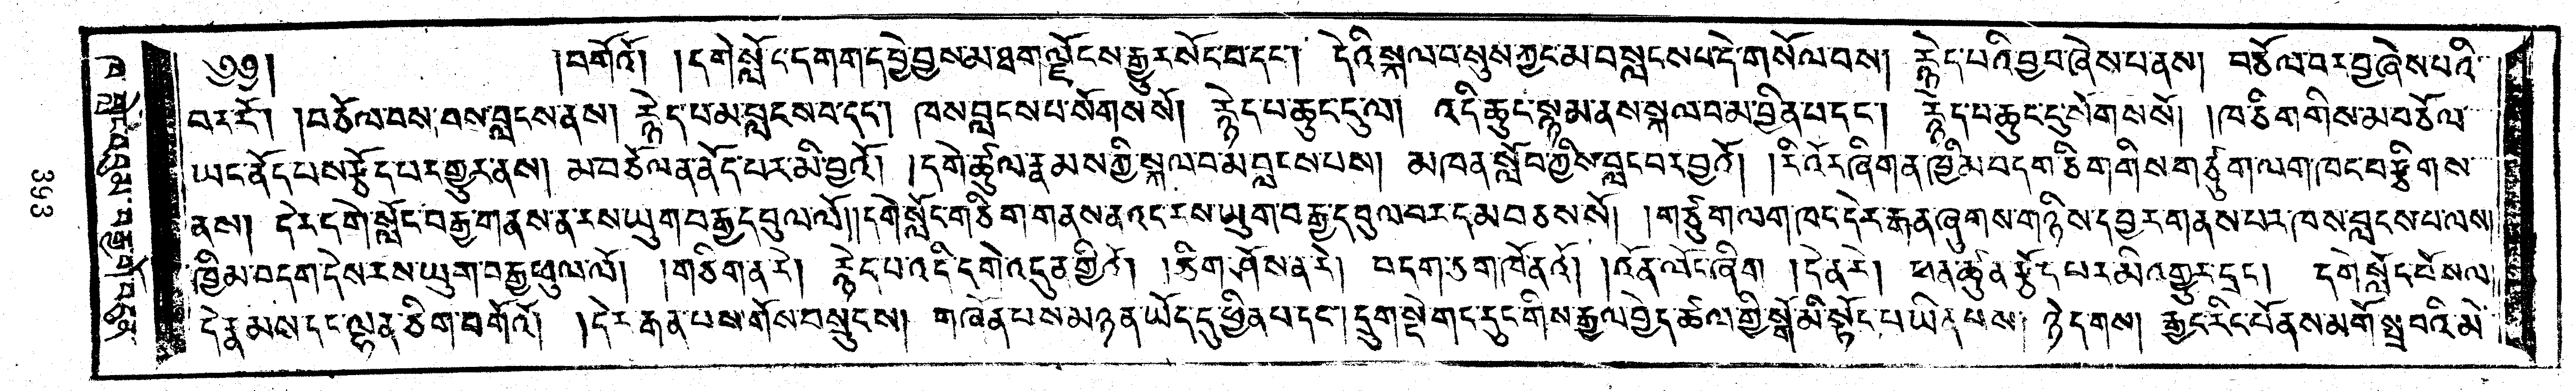༄༅། །བགོའོ། །དགེ་སློང་དགག་དབྱེ་བྱས་མ་ཐག་ལྗོངས་རྒྱུར་སོང་བ་དང་། དེའི་སྐལ་བ་སུས་ཀྱང་མ་བསླངས་པ་དེ་གསོལ་བས། རྙེད་པའི་བྱབ་ཞེས་པ་ནས། བཅོལ་བར་བྱ་ཞེས་པའི་
བར་རོ། །བཅོལ་བས་བས་བླངས་ནས། རྙེད་པ་མ་བླངས་བ་དང་། ཁས་བླངས་པ་སོགས་སོ། རྙེད་པ་ཆུང་དུ་ལ། འདི་ཆུང་སྙམ་ནས་སྐལ་བ་མ་བྱིན་པ་དང་། རྙེད་པ་ཆུང་དུ་སོགས་སོ། །ཁ་ཅིག་གིས་མ་བཅོལ་
ཡང་ནོད་པས་རྩོད་པར་གྱུར་ནས། མ་བཅོལ་ན་ནོད་པར་མི་བྱའོ། །དགེ་ཚུལ་རྣམས་ཀྱི་སྐལ་བ་མ་བླངས་པས། མཁན་སློབ་ཀྱིས་བླང་བར་བྱའོ། །རི་འོར་ཞིག་ན་ཁྱིམ་བདག་ཅིག་གིས་གཙུག་ལག་ཁང་བརྩིགས་
ནས། དེར་དགེ་སློང་བརྒྱ་གནས་ན་རས་ཡུག་བརྒྱད་དབུལ་ལོ། །དགེ་སློང་གཅིག་གནས་ནའང་རས་ཡུག་བརྒྱ་དབུལ་བར་དམ་བཅས་སོ། །གཙུག་ལག་ཁང་དེར་རྒན་ཞུགས་གཉིས་དབྱར་གནས་པར་ཁས་བླངས་པ་ལས།
ཁྱིམ་བདག་དེས་རས་ཡུག་བརྒྱ་ཕུལ་ལོ། །གཅིག་ན་རེ། རྙེད་པ་འདི་དགེ་འདུན་གྱིའོ། །ཅིག་ཤོས་ན་རེ། བདག་ཅག་ཁོ་ནའོ། །འོན་ལོང་ཞིག །དེ་ན་རེ། ཕན་ཚུན་རྩོད་པར་མི་འགྱུར་དྲང་། དགེ་སློང་བོ་སལ་
དེ་རྣམས་དང་ལྷན་ཅིག་བགོའོ། །དེར་རྒན་པས་གོས་བསྲུངས། གཞོན་པས་མཉན་ཡོད་དུ་ཕྱིན་པ་དང་། དྲུག་སྡེ་གང་རུང་གིས་རྒྱལ་བྱེད་ཚལ་གྱི་སྒོ་མི་སྟོང་པ་ཡིན་པས། ཉེད་གས། རྒྱང་རིང་པོ་ནས་མགོ་སྤྲ་བའི་མེ་